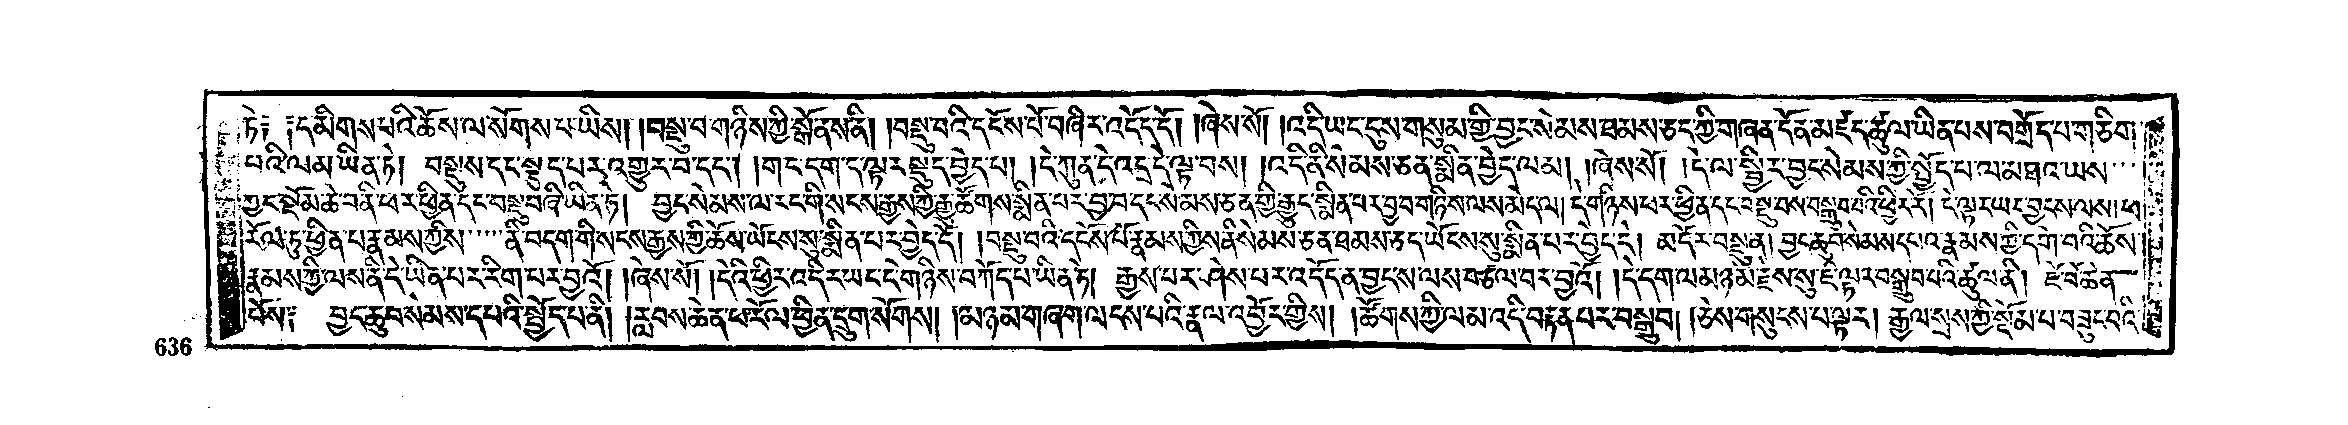ཏེ༑ ༑དམིགས་པའི་ཆོས་ལ་སོགས་པ་ཡིས། །བསྡུ་བ་གཉིས་ཀྱི་སྒོ་ནས་ནི། །བསྡུ་བའི་དངོས་པོ་བཞིར་འདོད་དོ། །ཞེས་སོ། །འདི་ཡང་དུས་གསུམ་གྱི་བྱང་སེམས་ཐམས་ཅད་ཀྱི་གཞན་དོན་མཛད་ཚུལ་ཡིན་པས་བགྲོད་པ་གཅིག་
པའི་ལམ་ཡིན་ཏེ། བསྡུས་དང་སྡུད་པར་འགྱུར་བ་དང་། །གང་དག་ད་ལྟར་སྡུད་བྱེད་པ། །དེ་ཀུན་དེ་འདྲ་དེ་ལྟ་བས། །འདི་ནི་སེམས་ཅན་སྨིན་བྱེད་ལམ། །ཞེས་སོ། །དེ་ལ་སྤྱིར་བྱང་སེམས་ཀྱི་སྤྱོད་པ་ལ་མཐའ་ཡས་
ཀྱང་སྡོམ་ཆེ་བ་ནི་ཕར་ཕྱིན་དང་བསྡུ་བཞི་ཡིན་ཏེ། བྱང་སེམས་ལ་རང་གི་སངས་རྒྱས་ཀྱི་རྒྱུ་ཚོགས་སྨིན་པར་བྱ་བ་དང་སེམས་ཅན་གྱི་རྒྱུད་སྨིན་པར་བྱ་བ་གཉིས་ལས་མེད་ལ། དེ་གཉིས་ཕར་ཕྱིན་དང་བསྡུ་བས་བསྒྲུབ་པའི་ཕྱིར་རོ། །དེ་ལྟར་ཡང་བྱང་ས་ལས། ཕ་
རོལ་ཏུ་ཕྱིན་པ་རྣམས་ཀྱིས་ནི་བདག་གི་སངས་རྒྱས་ཀྱི་ཆོས་ཡོངས་སུ་སྨིན་པར་བྱེད་དོ། །བསྡུ་བའི་དངོས་པོ་རྣམས་ཀྱིས་ནི་སེམས་ཅན་ཐམས་ཅད་ཡོངས་སུ་སྨིན་པར་བྱེད་དེ། མདོར་བསྡུ་ན། བྱང་ཆུབ་སེམས་དཔའ་རྣམས་ཀྱི་དགེ་བའི་ཆོས་
རྣམས་ཀྱི་ལས་ནི་དེ་ཡིན་པར་རིག་པར་བྱའོ། །ཞེས་སོ། །དེའི་ཕྱིར་འདིར་ཡང་དེ་གཉིས་བཀོད་པ་ཡིན་ཏེ། རྒྱས་པར་ཤེས་པར་འདོད་ན་བྱང་ས་ལས་བཙལ་བར་བྱའོ། །དེ་དག་ལ་མཉམ་རྗེས་སུ་ཇི་ལྟར་བསྒྲུབ་པའི་ཚུལ་ནི། ཇོ་བོ་ཆེན་
པོས༑ བྱང་ཆུབ་སེམས་དཔའི་སྤྱོད་པ་ནི། །རླབས་ཆེན་ཕ་རོལ་ཕྱིན་དྲུག་སོགས། །མཉམ་གཞག་ལངས་པའི་རྣལ་འབྱོར་གྱིས། །ཚོགས་ཀྱི་ལམ་འདི་བརྟན་པར་བསྒྲུབ། །ཅེས་གསུངས་པ་ལྟར། རྒྱལ་སྲས་ཀྱི་སྡོམ་པ་བཟུང་བའི་